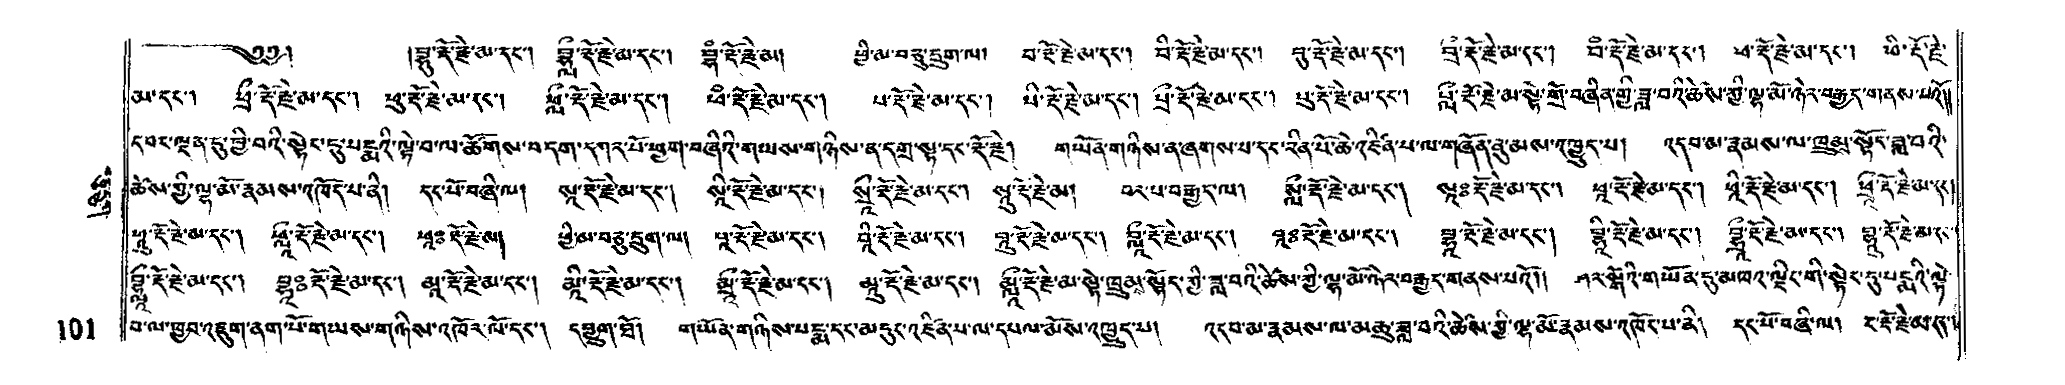༄༅། །བྷུ་རྡོ་རྗེ་མ་དང་། བྷླྀ་རྡོ་རྗེ་མ་དང་། བྷཾ་རྡོ་རྗེ་མ། ཕྱི་མ་བཅུ་དྲུག་ལ། བ་རྡོ་རྗེ་མ་དང་། བི་རྡོ་རྗེ་མ་དང་། བུ་རྡོ་རྗེ་མ་དང་། བྲྀ་རྡོ་རྗེ་མ་དང་། བཾ་རྡོ་རྗེ་མ་དང་། ཕ་རྡོ་རྗེ་མ་དང་། ཕི་རྡོ་རྗེ་
མ་དང་། ཕྲྀ་རྡོ་རྗེ་མ་དང་། ཕུ་རྡོ་རྗེ་མ་དང་། ཕླྀ་རྡོ་རྗེ་མ་དང་། ཕཾ་རྡོ་རྗེ་མ་དང་། པ་རྡོ་རྗེ་མ་དང་། པི་རྡོ་རྗེ་མ་དང་། པྲྀ་རྡོ་རྗེ་མ་དང་། པུ་རྡོ་རྗེ་མ་དང་། པླྀ་རྡོ་རྗེ་མ་སྟེ་གྲོ་བཞིན་གྱི་ཟླ་བའི་ཚེས་ཀྱི་ལྷ་མོ་ཉེར་བརྒྱད་གནས་པའོ།།
དབང་ལྡན་དུ་བྱི་བའི་སྟེང་དུ་པདམའི་ལྟེ་བ་ལ་ཚོགས་བདག་དཀར་པོ་ཕྱག་བཞིའི་གཡས་གཉིས་ན་དགྲ་སྟ་དང་རྡོ་རྗེ། གཡོན་གཉིས་ན་ཞགས་པ་དང་རིན་པོ་ཆེ་འཛིན་པ་ལ་གཞོན་ནུ་མས་འཁྱུད་པ། འདབ་མ་རྣམས་ལ་ཁྲུམས་སྟོང་ཟླ་བའི་
ཚེས་ཀྱི་ལྷ་མོ་རྣམས་འཁོད་པ་ནི། དང་པོ་བཞི་ལ། སཱ་རྡོ་རྗེ་མ་དང་། སཱི་རྡོ་རྗེ་མ་དང་། སྲཱྀ་རྡོ་རྗེ་མ་དང་། སཱུ་རྡོ་རྗེ་མ། བར་པ་བརྒྱད་ལ། སླྀ་རྡོ་རྗེ་མ་དང་། སཱཿ རྡོ་རྗེ་མ་དང་། ཕཱ་རྡོ་རྗེ་མ་དང་། ཕཱི་རྡོ་རྗེ་མ་དང་། ཕྲཱྀ་རྡོ་རྗེ་མ་དང་།
ཕཱུ་རྡོ་རྗེ་མ་དང་། ཕླཱྀ་རྡོ་རྗེ་མ་དང་། ཕཱཿ རྡོ་རྗེ་མ། ཕྱི་མ་བཅུ་དྲུག་ལ། བཱ་རྡོ་རྗེ་མ་དང་། བཱི་རྡོ་རྗེ་མ་དང་། བཱུ་རྡོ་རྗེ་མ་དང་། བླཱྀ་རྡོ་རྗེ་མ་དང་། བཱཿ རྡོ་རྗེ་མ་དང་། བྷཱ་རྡོ་རྗེ་མ་དང་། བྷཱྀ་རྡོ་རྗེ་མ་དང་། བྷྲཱྀ་རྡོ་རྗེ་མ་དང་། བྷཱུ་རྡོ་རྗེ་མ་དང་
བྷླཱྀ་རྡོ་རྗེ་མ་དང་། བྷཱཿ རྡོ་རྗེ་མ་དང་། མཱ་རྡོ་རྗེ་མ་དང་། མཱི་རྡོ་རྗེ་མ་དང་། མྲཱྀ་རྡོ་རྗེ་མ་དང་། མཱུ་རྡོ་རྗེ་མ་དང་། མླཱྀ་རྡོ་རྗེ་མ་སྟེ་ཁྲུམས་སྟོད་ཀྱི་ཟླ་བའི་ཚེས་ཀྱི་ལྷ་མོ་ཉེར་བརྒྱད་གནས་པའོ།། ཤར་སྒོའི་གཡོན་དུ་མཁའ་ལྡིང་གི་སྟེང་དུ་པདམའི་ལྟེ་
བ་ལ་ཁྱབ་འཇུག་ནག་པོ་གཡས་གཉིས་འཁོར་ལོ་དང་། དབྱུག་ཐོ། གཡོན་གཉིས་པདམ་དང་མདུང་འཛིན་པ་ལ་དཔལ་མོས་འཁྱུད་པ། འདབ་མ་རྣམས་ལ་མཆུ་ཟླ་བའི་ཚེས་ཀྱི་ལྷ་མོ་རྣམས་འཁོད་པ་ནི། དང་པོ་བཞི་ལ། ང་རྡོ་རྗེ་མ་དང་།